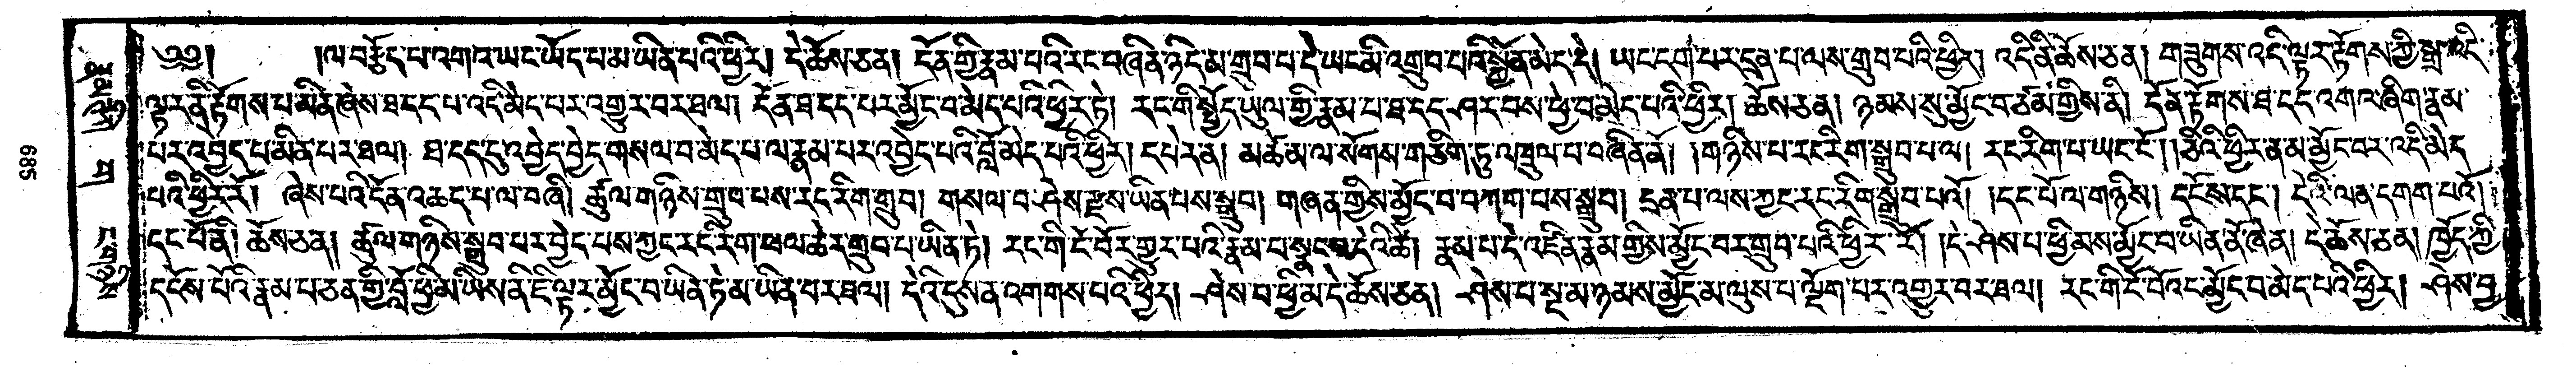༄༅། །ལ་བརྩོད་པ་འགའ་ཡང་ཡོད་པ་མ་ཡིན་པའི་ཕྱིར། དེ་ཆོས་ཅན། དོན་གྱི་རྣམ་པའི་རང་བཞིན་ཉིད་མ་གྲུབ་པ་དེ་ཡང་མི་འགྲུབ་པའི་སྐྱོན་མེད་དེ། ཡང་དག་པར་དྲན་པ་ལས་གྲུབ་པའི་ཕྱིར། འདི་ནི་ཆོས་ཅན། གཟུགས་འདི་ལྟར་རྟོགས་ཀྱི་སྒྲ་འདི་
ལྟར་ནི་རྟོགས་པ་མིན་ཞེས་ཐ་དད་པ་འདི་མེད་པར་འགྱུར་བར་ཐལ། དོན་ཐ་དད་པར་མྱོང་བ་མེད་པའི་ཕྱིར་ཏེ། རང་གི་སྤྱོད་ཡུལ་གྱི་རྣམ་པ་ཐ་དད་ཤར་བས་ཕྱེ་བ་མེད་པའི་ཕྱིར། ཆོས་ཅན། ཉམས་སུ་མྱོང་བ་ཙམ་གྱིས་ནི། དོན་རྟོགས་ཐ་དད་འགའ་ཞིག་རྣམ་
པར་འབྱེད་པ་མིན་པར་ཐལ། ཐ་དད་དུ་འབྱེད་བྱེད་གསལ་བ་མེད་པ་ལ་རྣམ་པར་འབྱེད་པའི་བློ་མེད་པའི་ཕྱིར། དཔེར་ན། མཚེ་མ་ལ་སོགས་གཅིག་ཏུ་འཁྲུལ་པ་བཞིན་ནོ། །གཉིས་པ་རང་རིག་སྒྲུབ་པ་ལ། རང་རིག་པ་ཡང་ངོ། །ཅིའི་ཕྱིར་ན་མ་མྱོང་བར་འདི་མེད་
པའི་ཕྱིར་རོ། ཞེས་པའི་དོན་འཆད་པ་ལ་བཞི། ཚུལ་གཉིས་གྲུབ་པས་རང་རིག་གྲུབ། གསལ་བ་ཤེས་རྫས་ཡིན་པས་སྒྲུབ། གཞན་གྱིས་མྱོང་བ་བཀག་པས་སྒྲུབ། དྲན་པ་ལས་ཀྱང་རང་རིག་སྒྲབ་པའོ། །དང་པོ་ལ་གཉིས། དངོས་དང་། དེའི་ལན་དགག་པའོ། །
དང་པོ་ནི། ཆོས་ཅན། ཚུལ་གཉིས་སྒྲུབ་པར་བྱེད་པས་ཀྱང་རང་རིག་ཕལ་ཆེར་གྲུབ་པ་ཡིན་ཏེ། རང་གི་ངོ་བོར་གྱུར་པའི་རྣམ་པ་སྣང་བ་དེའི་ཚེ། རྣམ་པ་དེ་འཛིན་རྣམ་གྱིས་མྱོང་བར་གྲུབ་པའི་ཕྱིར་རོ། །དེ་ཤེས་པ་ཕྱི་མས་མྱོང་བ་ཡིན་ནོ་ཞེ་ན། དེ་ཆོས་ཅན། ཁྱོད་ཀྱི་
དངོས་པོའི་རྣམ་པ་ཅན་གྱི་བློ་ཕྱི་མ་ཡིས་ནི་ཇི་ལྟར་མྱོང་བ་ཡིན་ཏེ་མ་ཡིན་པར་ཐལ། དེའི་དུས་ན་འགགས་པའི་ཕྱིར། ཤེས་པ་ཕྱི་མ་དེ་ཆོས་ཅན། ཤེས་པ་སྔ་མཉམ་མྱོང་མ་ལུས་པ་ལྡོག་པར་འགྱུར་བར་ཐལ། རང་གི་ངོ་བོའང་མྱོང་བ་མེད་པའི་ཕྱིར། ཤེས་བྱ་